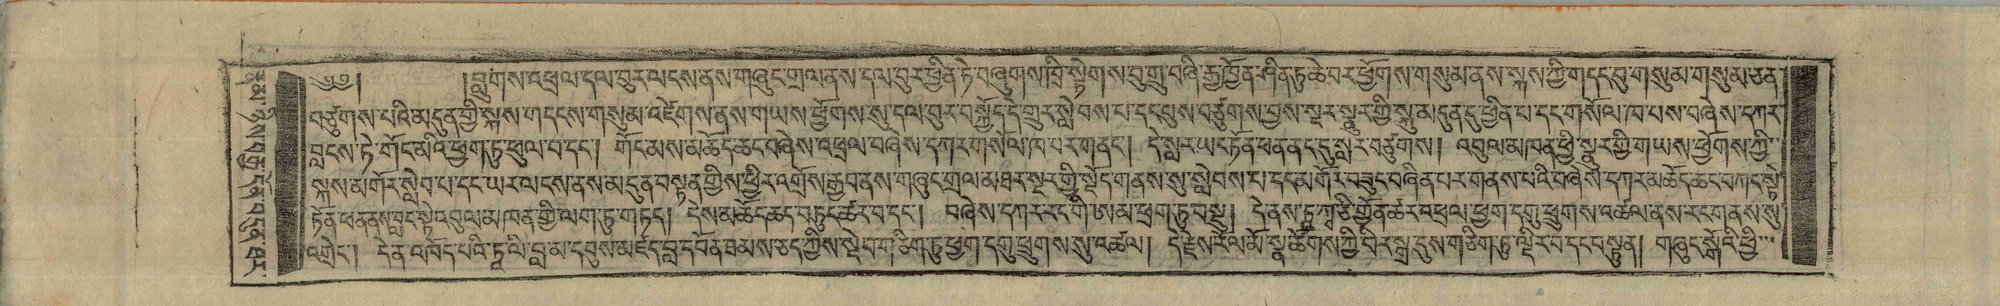༄༅། །བླུགས་འཕྲལ་དལ་བུར་ལངས་ནས་གཞུང་གྲལ་ནས་དལ་བུར་ཕྱིན་ཏེ་བཞུགས་ཁྲི་སྟེགས་བུ་གྲུ་བཞི་རྒྱ་ཁྱོན་ཤིན་ཏུ་ཆེ་བར་ཕྱོགས་གསུམ་ནས་སྐས་ཀྱི་གདང་བུ་གསུམ་གསུམ་ཅན་
བཙུགས་པའི་མདུན་གྱི་སྐས་གདངས་གསུམ་འཛེགས་ནས་གཡས་ཕྱོགས་སུ་དལ་བུར་བསྐྱོད་དེ་གྲུར་སླེབས་པ་དང་པུས་བཙུགས་བྱས་སྔར་སྣུར་གྱི་སྐུ་མདུན་དུ་ཕྱིན་པ་དང་གསོལ་ཁ་པས་བཞེས་དཀར་
བླངས་ཏེ་གོང་མའི་ཕྱག་ཏུ་ཕུལ་བ་དང་། གོང་མས་མཆོད་ཆང་བཞེས་འཕྲལ་བཞེས་དཀར་གསོལ་ཁ་པར་གནང་། དེ་སླར་ཡང་ཏོན་ཕན་ནང་དུ་སླར་བཙུགས། འབུལ་མཁན་ཕྱི་སྣུར་གྱི་གཡས་ཕྱོགས་ཀྱི་
སྐས་མགོར་སླེབ་པ་དང་ཡར་ལངས་ནས་མདུན་བསྟན་གྱིས་ཕྱིར་འགྲོས་རྒྱབ་ནས་གཞུང་གྲལ་མཐར་སྔར་གྱི་སྡོད་གནས་སུ་སླེབས་པ་དང་མགོར་བཟུང་བཞིན་པར་གནས་པའི་བཞེས་དཀར་མཆོད་ཆང་བཀང་སྟེ་
ཏོན་ཕན་ནས་བླང་སྟེ་འབུལ་མཁན་གྱི་ལག་ཏུ་གཏད། དེས་མཆོད་ཆད་བཏུང་ཚར་བ་དང་། བཞེས་དཀར་རང་གི་ཨམ་ཕྲག་ཏུ་བསྡུ། དེ་ནས་ཏཱ་ཀྭ་ཅི་གྱོན་ཚར་འཕྲལ་ཕྱག་དགུ་ཕྲུགས་འཚལ་ནས་རང་གནས་སུ་
འགྲེང་། དེ་ན་འཁོད་པའི་ཏཱ་ལི་བླ་མ་དབུས་མཛད་བླ་དཔོན་ཐམས་ཅད་ཀྱིས་སྡེབ་གཅིག་ཏུ་ཕྱག་དགུ་ཕྲུགས་སུ་འཚལ། དེ་རྗེས་རོལ་མོ་སྣ་ཚོགས་ཀྱི་བིར་སྒྲ་དུས་གཅིག་ཏུ་ལྡིར་བ་དང་བསྟུན། གཞུང་སྒོའི་ཕྱི་